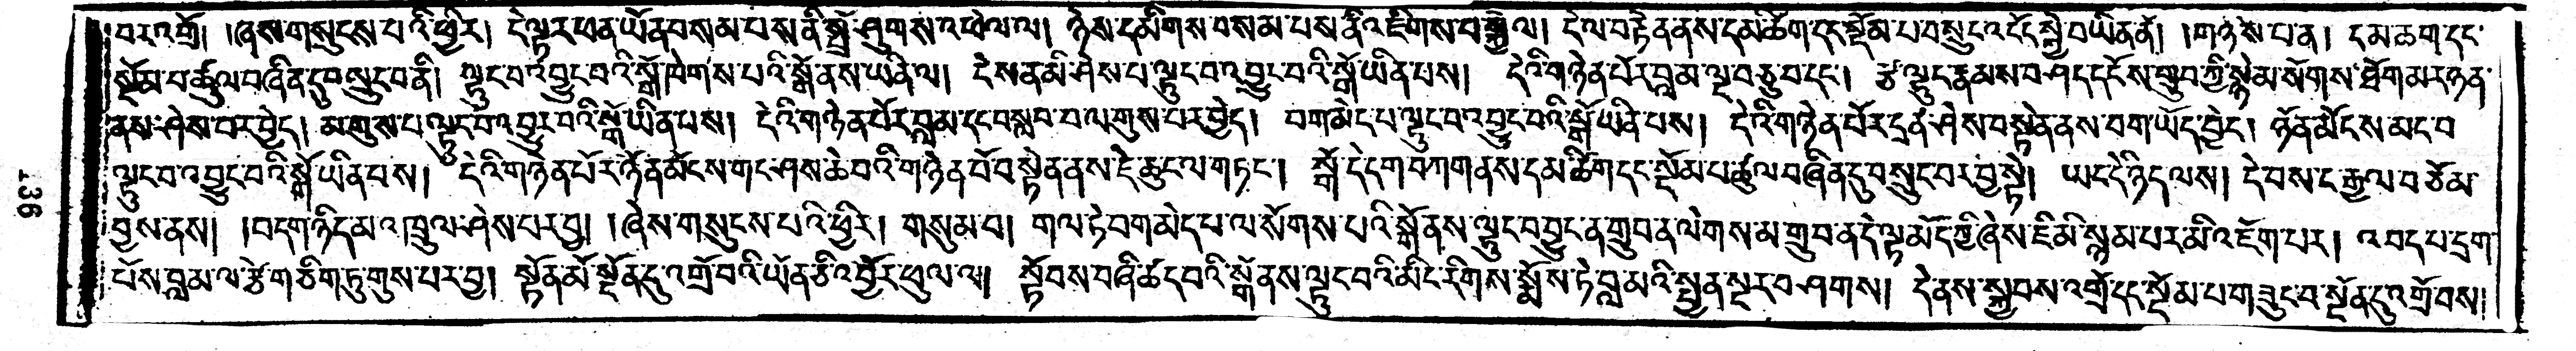བར་འགྲོ། །ཞས་གསུངས་པའི་ཕྱིར། དེ་ལྟར་ཕན་ཡོན་བསམ་པས་ནི་སྤྲོ་ཤུགས་འཕེལ་ལ། ཉེས་དམིགས་བསམ་པས་ནི་འཇིགས་པ་སྐྱེལ། དེ་ལ་བརྟེན་ནས་དམ་ཚིག་དང་སྡོམ་པ་བསྲུང་འདོད་སྐྱེ་བ་ཡིན་ནོ། །གཉིས་པ་ན། དམ་ཚིག་དང་
སྡོམ་པ་ཚུལ་བཞིན་དུ་བསྲུང་བ་ནི། ལྟུང་བ་འབྱུང་བའི་སྒོ་ཁེགས་པའི་སྒོ་ནས་ཡིན་ལ། དེས་ན་མི་ཤེས་པ་ལྟུང་བ་འབྱུང་བའི་སྒོ་ཡིན་པས། དེའི་གཉེན་པོར་བླ་མ་ལྔ་བཅུ་པ་དང་། རྩ་ལྟུང་རྣམས་བཤད་དངོས་གྲུབ་ཀྱི་སྙེ་མ་སོགས་ཐོག་མར་ཉན་
ནས་ཤེས་བར་བྱེད། མ་གུས་པ་ལྟུང་བ་འབྱུང་བའི་སྒོ་ཡིན་པས། དེའི་གཉེན་པོར་བླ་མ་དང་བསླབ་བ་ལ་གུས་པར་བྱེད། བག་མེད་པ་ལྟུང་བ་འབྱུང་བའི་སྒོ་ཡིན་པས། དེའི་གཉེན་པོར་དྲན་ཤེས་བསྟེན་ནས་བག་ཡོད་བྱེད། ཉོན་མོངས་མང་བ་
ལྟུང་བ་འབྱུང་བའི་སྒོ་ཡིན་པས། དེའི་གཉེན་པོར་ཉོན་མོངས་གང་ཤས་ཆེ་བའི་གཉེན་པོ་བསྟེན་ནས་ཇེ་ཆུང་ལ་གཏང་། སྒོ་དེ་དག་བཀག་ནས་དམ་ཚིག་དང་སྡོམ་པ་ཚུལ་བཞིན་དུ་བསྲུང་བར་བྱ་སྟེ། ཡང་དེ་ཉིད་ལས། དེ་བས་ང་རྒྱལ་བཅོམ་
བྱས་ནས། །བདག་ཉིད་མ་འཁྲུལ་ཤེས་པར་བྱ། །ཞེས་གསུངས་པའི་ཕྱིར། གསུམ་པ། གལ་ཏེ་བག་མེད་པ་ལ་སོགས་པའི་སྒོ་ནས་ལྟུང་བ་བྱུང་ན་གྲུབ་ན་ལེགས་མ་གྲུབ་ན་དེ་ལྟ་མོད་ཀྱི་ཞེས་ཇི་མི་སྙམ་པར་མི་འཇོག་པར། འབད་པ་དྲག་
པོས་བླ་མ་ལ་རྩེ་གཅིག་ཏུ་གུས་པར་བྱ། སྟོན་མོ་སྔོན་དུ་འགྲོ་བའི་ཡོན་ཅི་འབྱོར་ཕུལ་ལ། སྟོབས་བཞི་ཚད་བའི་སྒོ་ནས་ལྟུང་བའི་མིང་རིགས་སྨོས་ཏེ་བླ་མའི་སྤྱན་སྔར་བཤགས། དེ་ནས་སྐྱབས་འགྲོ་དང་སྡོམ་པ་གཟུང་བ་སྔོན་དུ་འགྲོ་བས།